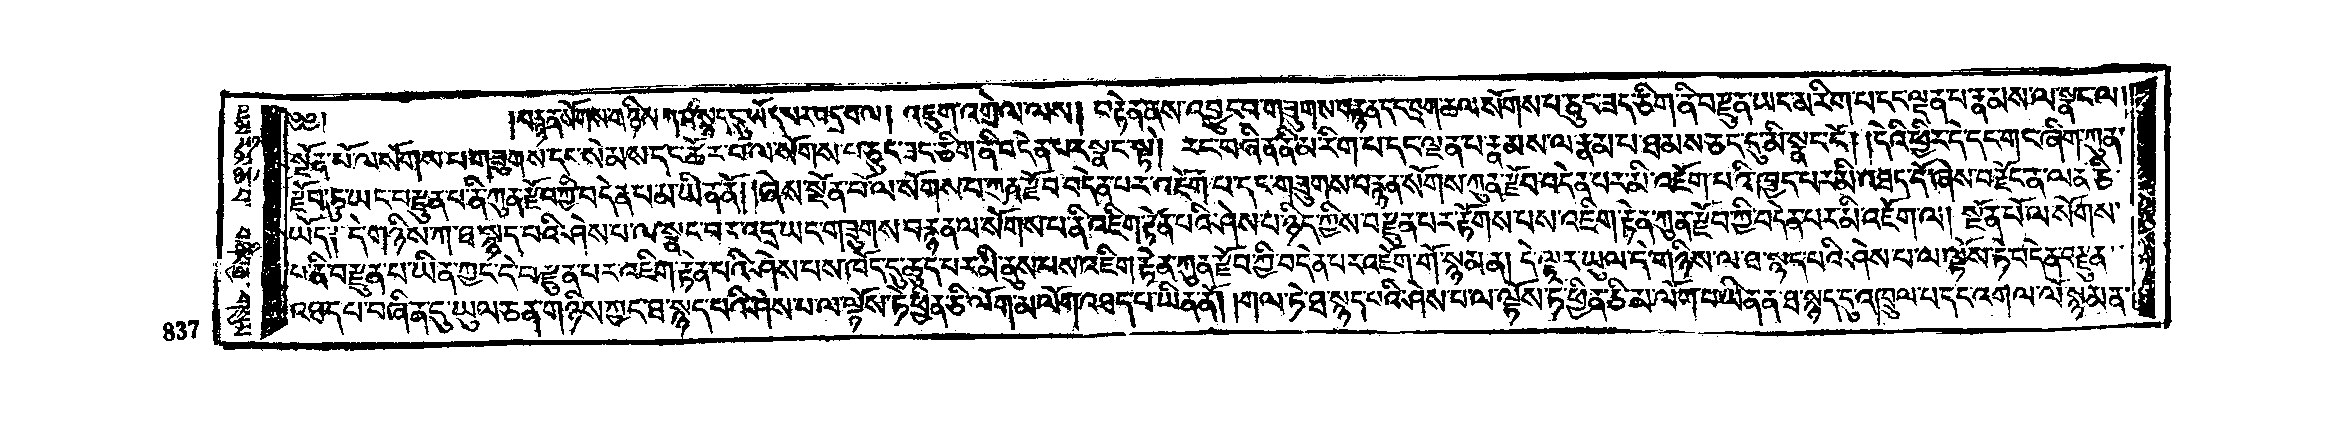༄༅། །བརྙན་སོགས་གཉིས་ཀ་ཐ་སྙད་དུ་ཡོད་པར་འདྲ་བ་ལ། འཇུག་འགྲེལ་ལས། བརྟེན་ནས་འབྱུང་བ་གཟུགས་བརྙན་དང་བྲག་ཆ་ལ་སོགས་པ་ཅུང་ཟད་ཅིག་ནི་བརྫུན་ཡང་མ་རིག་པ་དང་ལྡན་པ་རྣམས་ལ་སྣང་ལ།
སྔོན་པོ་ལ་སོགས་པ་གཟུགས་དང་སེམས་དང་ཚོར་བ་ལ་སོགས་པ་ཅུང་ཟད་ཅིག་ནི་བདེན་པར་སྣང་སྟེ། རང་བཞིན་ནི་མ་རིག་པ་དང་ལྡན་པ་རྣམས་ལ་རྣམ་པ་ཐམས་ཅད་དུ་མི་སྣང་ངོ། །དེའི་ཕྱིར་དེ་དང་གང་ཞིག་ཀུན་
རྫོབ་ཏུ་ཡང་བརྫུན་པ་ནི་ཀུན་རྫོབ་ཀྱི་བདེན་པ་མ་ཡིན་ནོ། །ཞེས་སྔོན་པོ་ལ་སོགས་པ་ཀུན་རྫོབ་བདེན་པར་འཇོག་པ་དང་གཟུགས་བརྙན་སོགས་ཀུན་རྫོབ་བདེན་པར་མི་འཇོག་པའི་ཁྱད་པར་མི་འཐད་དོ་ཞེས་བརྗོད་ན་ལན་ཅི་
ཡོད༑ དེ་གཉིས་ཀ་ཐ་སྙད་པའི་ཤེས་པ་ལ་སྣང་བར་འདྲ་ཡང་གཟུགས་བརྙན་ལ་སོགས་པ་ནི་འཇིག་རྟེན་པའི་ཤེས་པ་ཉིད་ཀྱིས་བརྫུན་པར་རྟོགས་པས་འཇིག་རྟེན་ཀུན་རྫོབ་ཀྱི་བདེན་པར་མི་འཇོག་ལ། སྔོན་པོ་ལ་སོགས་
པ་ནི་བརྫུན་པ་ཡིན་ཀྱང་དེ་བརྫུན་པར་འཇིག་རྟེན་པའི་ཤེས་པས་ཁོང་དུ་ཆུད་པར་མི་ནུས་པས་འཇིག་རྟེན་ཀུན་རྫོབ་ཀྱི་བདེན་པར་འཇོག་གོ་སྙམ་ན། དེ་ལྟར་ཡུལ་དེ་གཉིས་ལ་ཐ་སྙད་པའི་ཤེས་པ་ལ་ལྟོས་ཏེ་བདེན་བརྫུན་
འཐད་པ་བཞིན་དུ་ཡུལ་ཅན་གཉིས་ཀྱང་ཐ་སྙད་པའི་ཤེས་པ་ལ་ལྟོས་ཏེ་ཕྱིན་ཅི་ལོག་མ་ལོག་འཐད་པ་ཡིན་ནོ། །གལ་ཏེ་ཐ་སྙད་པའི་ཤེས་པ་ལ་ལྟོས་ཏེ་ཕྱིན་ཅི་མ་ལོག་པ་ཡིན་ན་ཐ་སྙད་དུ་འཁྲུལ་པ་དང་འགལ་ལོ་སྙམ་ན་